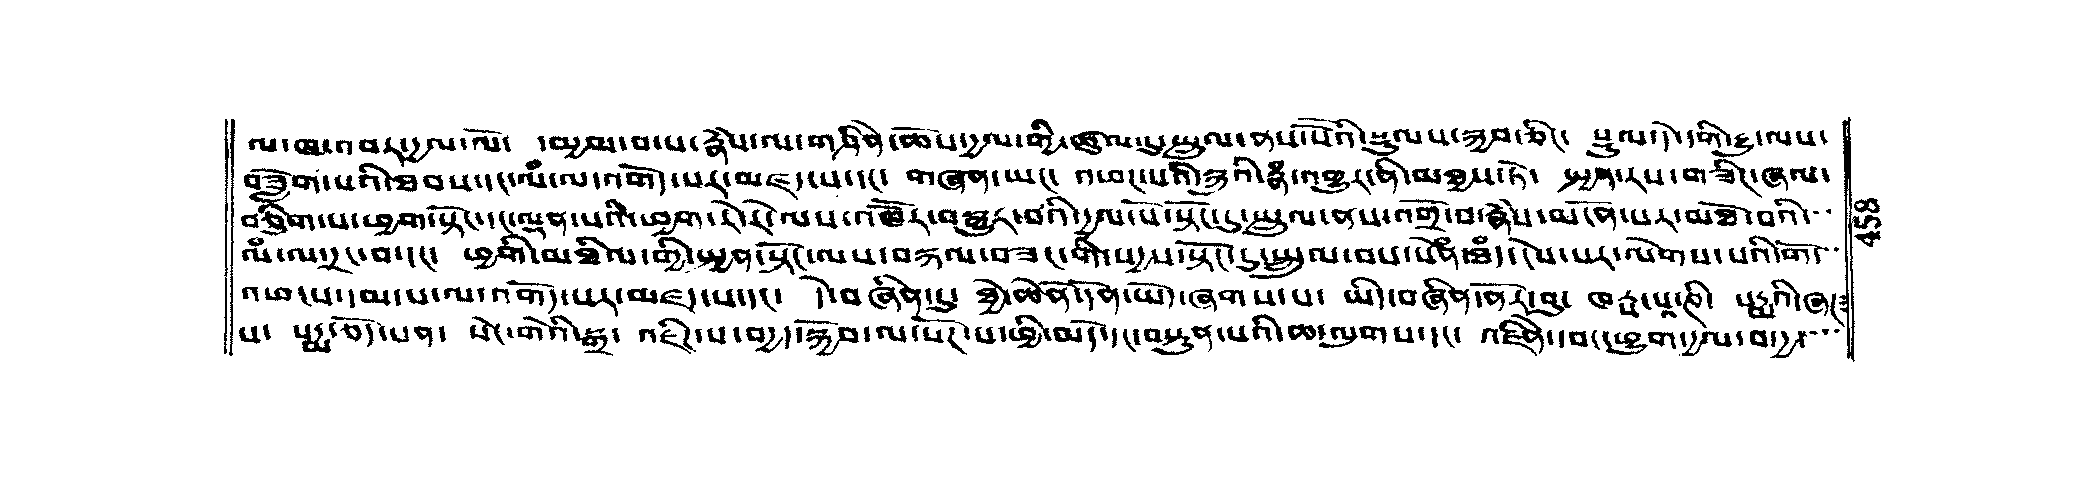ལ་ཁ་འབར་རྒྱལ་མོ། དམྱལ་བ་པ་རྣམས་ལ་གཤིན་རྗེ་ཆོས་རྒྱལ་གྱི་ཚུལ་དུ་སྤྲུལ་ནས་སོ་སོའི་སྡུག་བསྔལ་ལས་བསྐྱབ་ཅིང་། སྡུག་བསྔལ་དེ་དག་གི་རྒྱུ་ལས་
བཟློག་པའི་ཐབས་དང་ལམ་ལ་འགོད་པར་མཛད་པ་དང་། གཞན་ཡང་འཕགས་པའི་སྐུའི་རྣམ་འགྱུར་ནི་མཐའ་ཡས་ཏེ། སྤྱན་རས་གཟིགས་ཞལ་
བཅུ་གཅིག་པ་ཕྱག་སྟོང་དང་ལྡན་པའི་ཕྱག་རེ་རེ་ལས་འཁོར་ལོ་བསྒྱུར་བའི་རྒྱལ་པོ་སྟོང་དུ་སྤྲུལ་ནས་འགྲོ་བ་རྣམས་མངོན་པར་མཐོ་བའི་
ལམ་ལ་དྲང་བ་དང་། ཕྱག་གི་མཐིལ་གྱི་སྤྱན་སྟོང་ལས་བསྐལ་བཟང་གི་སངས་རྒྱས་སྟོང་དུ་སྤྲུལ་བས་སེམས་ཅན་ཐམས་ཅད་ངེས་པར་ལེགས་པའི་གོ་
འཕང་དམ་པ་ལ་འགོད་པར་མཛད་པ་དང་། དེ་བཞིན་དུ་ཐུགས་རྗེ་ཆེན་པོ་དོན་ཡོད་ཞགས་པ། ཡིད་བཞིན་ནོར་བུ། ཁརྶ་པཱ་ཎི། པདྨའི་ཞགས་
པ། པདྨ་ཅོད་པན། སེང་གེའི་སྒྲ་འཇིགས་པ་བརྒྱད་སྐྱོབ་ལ་སོགས་པ་ཕྱི་མདོ་དངབསྟུན་པའི་ཆ་ལུགས་དང་། འཇིག་རྟེན་དབང་ཕྱུག་རྒྱལ་བ་རྒྱ་